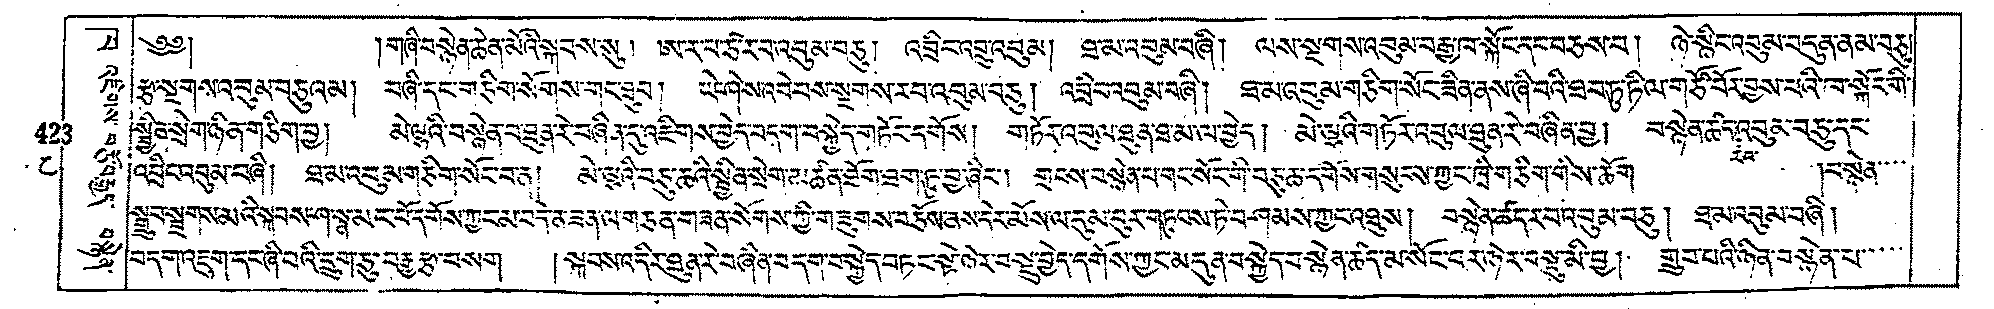༄༅། །གཞི་བསྙེན་ཆེན་མོའི་སྐབས་སུ། ཨ་ར་པ་ཙ་རབ་འབུམ་བཅུ། འབྲིང་འབྲུ་འབུམ། ཐ་མ་འབུམ་བཞི། ལས་སྔགས་འབུམ་བརྒྱ་ཁ་སྐོང་དང་བཅས་པ། ཉེ་སྙིང་འབུམ་བདུན་ནམ་བཅུ།
རྩ་སྔགས་འབུམ་བཅུའམ། བཞི་དང་གཅིག་སོགས་གང་ཐུབ། ཡེ་ཤེས་འབེབས་སྔགས་རབ་འབུམ་བཅུ། འབྲིང་འབུམ་བཞི། ཐ་མ་འབུམ་གཅིག་སོང་ཟིན་ནས་ཞི་བའི་ཐབ་ཏུ་ཏིལ་གཙོ་བོར་བྱས་པའི་ཁ་སྐོང་གི་
སྦྱིན་སྲེག་ཉིན་གཅིག་བྱ། མེ་ལྷའི་བསྙེན་པ་ཐུན་རེ་བཞིན་དུ་འཇིགས་བྱེད་བདག་བསྐྱེད་གཏོང་དགོས། གཏོར་འབུལ་ཐུན་ཐ་མ་ལ་བྱེད། མེ་ལྷའི་གཏོར་འབུལ་ཐུན་རེ་བཞིན་བྱ། བསྙེན་ཚད་རབ་འབུམ་བཅུ་དང་
འབྲིང་འབུམ་བཞི། ཐ་མ་འབུམ་གཅིག་སོང་བ་ན། མེ་ལྷའི་བཅུ་ཆའི་སྦྱིན་སྲེག་མཚན་ཐོག་ཐག་ཏུ་བྱ་ཞིང་། གྲངས་བསྙེན་པ་གང་སོང་གི་བཅུ་ཆ་དགོས་གསུངས་ཀྱང་ཁྲི་གཅིག་གིས་ཆོག །བསྙེན་་་
སྒྲུབ་སྦྲགས་མའི་སྐབས་ཤ་སྣ་མང་པོ་དགོས་ཀྱང་མ་བདེ་ན་ཟན་ལ་གཅན་གཟན་སོགས་ཀྱི་གཟུགས་བཅོས་ནས་དེར་མོས་ལ་དུམ་བུར་གཏུབས་ཏེ་བཤམས་ཀྱང་འཐུས། བསྙེན་ཚད་རབ་འབུམ་བཅུ། ཐ་མ་འབུམ་བཞི།
བདག་འཇུག་དང་ཞི་བའི་དྲུག་ཆུ་བརྒྱ་རྩ་བསག །སྐབས་འདིར་ཐུན་རེ་བཞིན་བདག་བ་སྐྱེད་བཏང་སྟེ་ཉེར་བསྡུ་བྱེད་དགོས་ཀྱང་མདུན་བསྐྱེད་བསྙེན་ཚད་མ་སོང་བར་ཉེར་བསྡུ་མི་བྱ། གྲུབ་པའི་ཉིན་བསྙེན་པ་་་